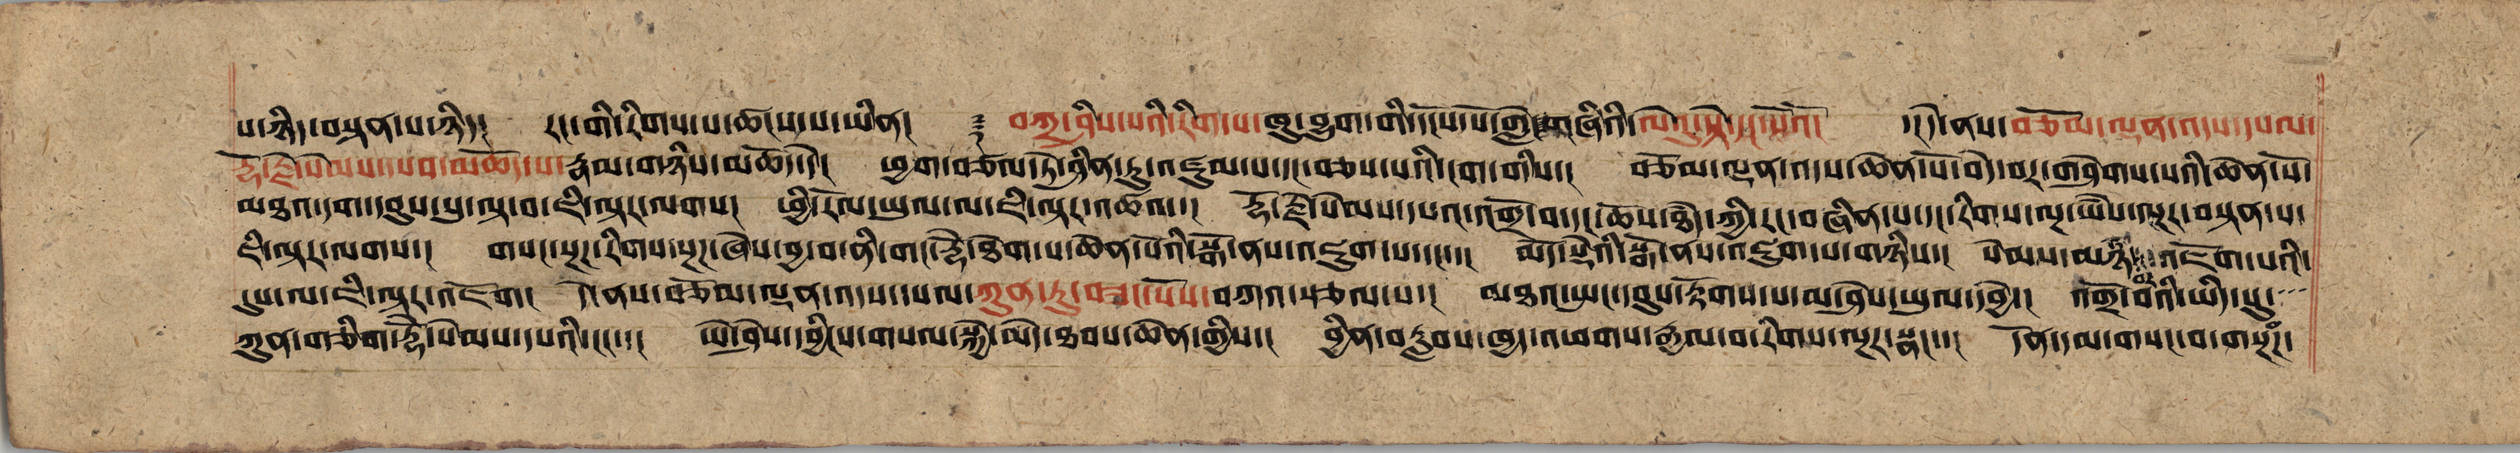པ་ཉིད་བསྟན་པ་ཉིད། རང་གི་རིགས་པ་ཚངས་པ་ཡིན། ༈ བཀྲ་ཤིས་པའི་རིག་པ་ཁུ་བྱུག་གི་དངོས་པོ་གླེང་གཞིའི་ལེའུ་སྟེ་དང་པོའོ། ་།དེ་ནས་བཅོམ་ལྡན་འདས་དཔལ་
རྡོ་རྗེ་སེམས་དཔའ་མཆོད་པ་རྣམ་གཉིས་མཆོད་དེ། ཕྱག་བཙལ་ཏེ་ཤིན་ཏུ་འཛུམ་པ་དང་བཅས་པའི་ངག་གིས་། བཅོམ་ལྡན་འདས་ཆེན་པོ་བདེ་བར་གཤེགས་པའི་ཆེན་པོ་
མཐའ་དག་དབུས་སུ་ལྟ་བ་ཇི་ལྟར་ལགས། ཕྱི་རོལ་ཡུལ་ལ་ཇི་ལྟར་འཚལ་། རྡོ་རྗེ་སེམས་དཔའ་འགྲོ་བ་དང་ཆོས་ཐཾད་ཀྱི་རང་བཞིན་པ་དང་རིགས་ལྔ་ཡེཻས་ལྔར་བསྟན་པ་
ཇི་ལྟར་ལགས་། གསང་སྔཌ་རིགས་སྔཌ་ཞེས་བྱ་བ་ནི་གང་རྡོེ་ཐེག་པ་ཆེན་པོའི་སྒོ་ནས་འཇུག་པ་དང་་། མདོ་སྡེའི་སྒོ་ནས་འཇུག་པ་གཉིས་། སེམས་མཉམ་འཇོག་པའི་
དུས་ལ་ཇི་ལྟར་འཇོག། དེ་ནས་བཅོམ་ལྡན་འདས་དཔལ་ཀུན་ཏུ་བཟང་པོས་བཀའ་སྩལ་པ་། མཐའ་སྤང་དབུས་རྟོགས་པ་མ་ཤེས་ཡུལ་དབྱེ་། འགྲོ་བའི་ཡིད་སུ་
ཀུན་གཅིག་རྡོེ་སེམས་དཔའི་ངང་་། ཡེ་ཤེས་དབྱིངས་གསལ་སྐྱེ་མེད་ཐབས་ཆེན་གྱིས་། བྱིན་བརླབས་ཁྱད་འཕགས་རྒྱལ་བ་རིགས་ལྔར་སྣང་་། དོན་དམ་གསང་བ་གསྔཾཌ